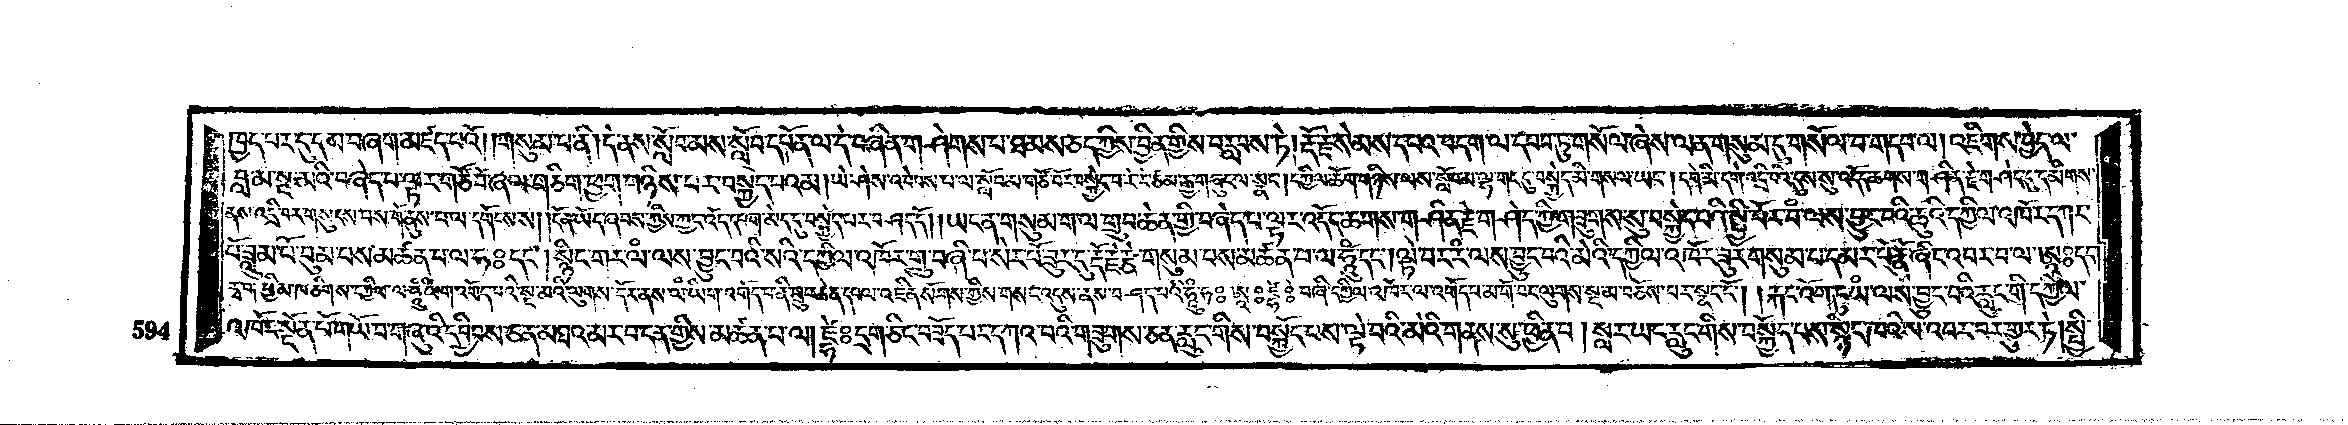ཁྱད་པར་དུ་དམ་བཞག་མཛད་པའོ། །གསུམ་པ་ནི། དེ་ནས་སློབ་མས་སློབ་དཔོན་ལ་དེ་བཞིན་གཤེགས་པ་ཐམས་ཅད་ཀྱིས་བྱིན་གྱིས་བརླབས་ཏེ། རྡོ་རྗེ་སེམས་དཔའ་བདག་ལ་དབབ་ཏུ་གསོལ་ཞེས་ལན་གསུམ་དུ་གསོལ་བ་གདབ་ལ། འཇིགས་བྱེད་ལ་
བླ་མ་སྔ་མའི་བཞེད་པ་ལྟར་གཙོ་བོ་ཞལ་གཅིག་ཕྱག་གཉིས་པར་བསྐྱེད་པའམ། ཡེ་ཤེས་འབེབས་པ་ལ་སློབ་མ་གཙོ་བོར་བསྐྱེད་པ་རེ་རེ་ཙམ་རྒྱ་གཞུང་ལ་སྣང་། དཀྱིལ་ཆོག་གཉིས་ལས་སློབ་མ་ལྷ་གང་དུ་བསྐྱེད་མི་གསལ་ཡང་། དག་མི་དགེ་འདྲི་བའི་དུས་སུ་འདོད་ཆགས་གཤིན་རྗེ་གཤེད་དུ་དམིགས་
ནས་འདྲི་བར་གསུངས་པས་གོ་ནུས་པ་ལ་དགོངས་སོ། །དོན་ཡོད་ཞབས་ཀྱིས་ཀྱང་འོད་དཔག་མེད་དུ་བསྐྱེད་པར་བཤད་དོ། །ཡང་ན་གསུམ་ག་ལ་གྲུབ་ཆེན་གྱི་བཞེད་པ་ལྟར་འདོད་ཆགས་གཤིན་རྗེ་གཤེད་ཀྱི་གཟུགས་སུ་བསྐྱེད་པའི་སྤྱི་བོར་བཾ་ལས་བྱུང་བའི་ཆུའི་དཀྱིལ་འཁོར་དཀར་
པོ་ཟླུམ་པོ་བུམ་པས་མཚན་པ་ལ་ཧཿ དང་། སྙིང་གར་ལཾ་ལས་བྱུང་བའི་སའི་དཀྱིལ་འཁོར་གྲུ་བཞི་པ་སེར་པོ་ཟུར་དུ་རྡོ་རྗེ་རྩེ་གསུམ་པས་མཚན་པ་ལ་ཧཱུཾ་དང་། ལྟེ་བར་རཾ་ལས་བྱུང་བའི་མེའི་དཀྱིལ་འཁོར་ཟུར་གསུམ་པ་དམར་པོ་རྣོ་ཞིང་འབར་བ་ལ་ཨཱཿ དང་།
རྭ་བ། ཕྱི་མ་ཁ་ཅིག་ས་དཀྱིལ་ལ་ཧཱུཾ་ཡིག་འགོད་པའི་སྔ་མའི་ལུགས་དོར་ནས་ལཾ་ཡིག་འགོད་པ་ནི་གྲུབ་ཆེན་དཔལ་འཛིན་སོགས་ཀྱིས་གསང་འདུས་ནས་བཤད་པའི་ཧཱུཾ་ཧཿ ཨཱཿ ཛྷེཿ བཞི་དཀྱིལ་འཁོར་ལ་འགོད་པ་མ་གོ་བར་ལུགས་སྔ་མ་བཅོས་པར་སྣང་ངོ།  །རྐང་འོག་ཏུ་ཡཾ་ལས་བྱུང་བའི་རླུང་གི་དཀྱིལ་
འཁོར་སྔོན་པོ་གཡོ་བ་གཞུའི་དབྱིབས་ཅན་མཐའ་མར་བ་དན་གྱིས་མཚན་པ་ལ། ཛྷེཿ དྲག་ཅིང་བཟོད་པར་དཀའ་བའི་གཟུགས་ཅན་རླུང་གིས་བསྐྱོད་པས་ལྟེ་བའི་མེའི་གནས་སུ་ཕྱིན་པ། སླར་ཡང་རླུང་གིས་བསྐྱོད་པས་སྙིང་ཁའི་ས་འབར་བར་གྱུར་ཏེ། སྤྱི་